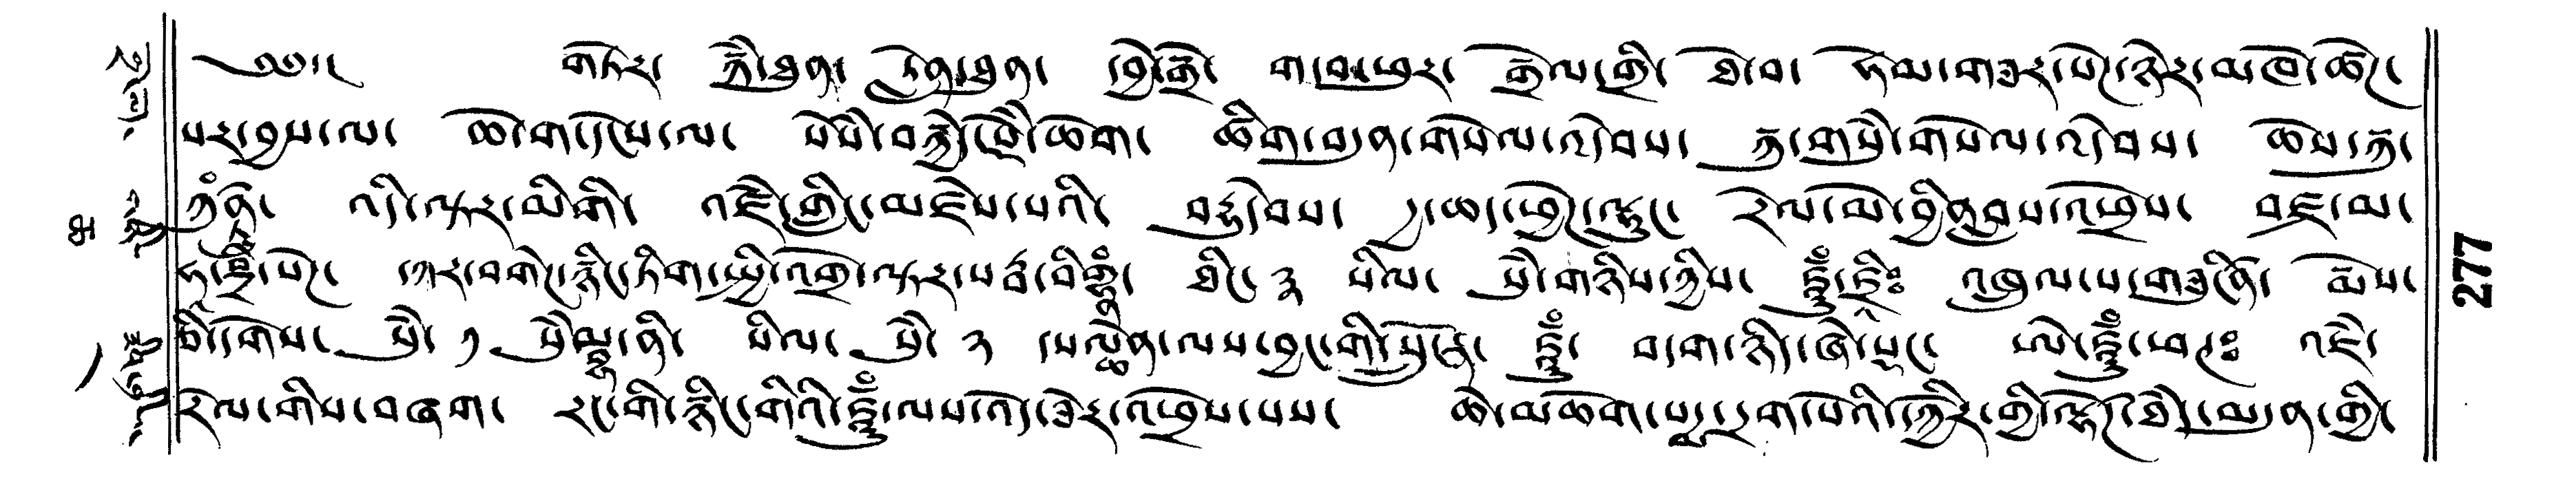གཏོར། སྐམ་ཐུན། རློན་ཐུན། དབྱེ་སྒྲོ། གདབ་ཕུར། སྒྲོལ་གྲི། ཐོ་བ། ཧོམ་གཟར་སོགས་ཉེར་མཁོ་ཚོགས་
པར་བྱས་ལ། ཆོ་ག་དངོས་ལ། སེམས་བསྐྱེད་སྡོམ་ཆོག ཚིག་བདུན་གསོལ་འདེབས། སྐུ་གསུམ་གསོལ་འདེབས། ཆོས་སྐུ་
ཀུན་ འདི་ལྟར་མིག་གི༴ འཛམ་གླིང་མཛེས་པའི༴ བརྒྱུད་འདེབས། རྒྱ་ཆད་ཕྱོགས་ལྷུང༴རོལ་མོ་བྱིན་རླབས་འཕྲོས། བཛྲ་མ་
ཧཱ་ཤྲཱི༴ སོགས། དཀར་བགེགས་སྙིང་ཏིག་སྤྱི་འགྲོ་ལྟར། སརྦ་བིགྷྣཾ༴ ཐིང་གསུམ། སིལ། སུམ་གཉིས་ཀྱིས། ཧཱུྃ་ཧྲཱིཿ འཁྲུལ་པ་གཟུང་འཛིན༴ སྨོས་
ཅི་དགོས༴ སུམ་གཅིག སུམྦྷ་ནི༴ སིལ། སུམ་གཉིས། དཔལ་ཆེན་ལས་བྱང་གི་སྲུང་འཁོར། ཧཱུྃ༔ བདག་ཉིད་ཞེ་སྡང༴ ཨེ་ཧཱུྃ་ཕཊ༔ འཇམ་
རོལ་གྱིས་བཞག རང་གི་སྙིང་གིའི་ཧཱུྃ་ལས་འོད་ཟེར་འཕྲོས་པས། ཆེ་མཆོག་པདྨ་དྲག་པོའི་དཀྱིལ་འཁོར་གྱི་ལྷ་ཚོགས་ཐམས་ཅད་མདུན་གྱི་